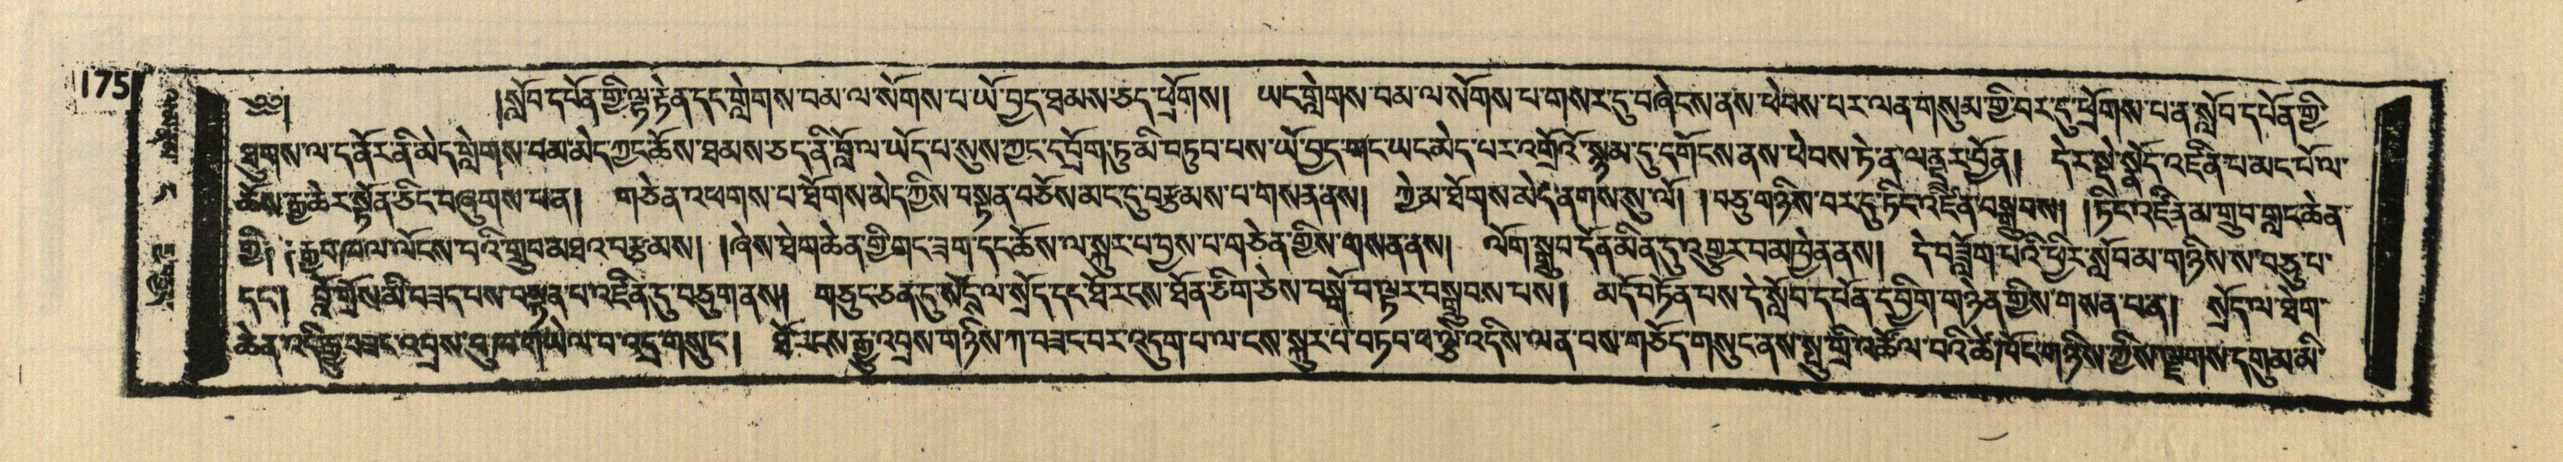༄༅། །སློབ་དཔོན་གྱི་ལྷ་རྟེན་དང་གླེགས་བམ་ལ་སོགས་པ་ཡོ་བྱད་ཐམས་ཅད་ཕྲོགས། ཡང་གླེགས་བམ་ལ་སོགས་པ་གསར་དུ་བཞེངས་ནས་ཕེབས་པར་ལན་གསུམ་གྱི་བར་དུ་ཕྲོགས་པ་ན་སློབ་དཔོན་གྱི་
ཐུགས་ལ་ད་ནོར་ནི་མེད་གླེགས་བམ་མེད་ཀྱང་ཆོས་ཐམས་ཅད་ནི་བློ་ལ་ཡོད་པ་སུས་ཀྱང་དབྲོག་ཏུ་མི་བཏུབ་པས་ཡོ་བྱད་གང་ཡང་མེད་པར་འགྲོའོ་སྙམ་དུ་དགོངས་ནས་ཕེབས་ཏེ་ན་ལནྡྲར་བྱོན། དེར་སྡེ་སྣོད་འཛིན་པ་མང་པོ་ལ་
ཆོས་རྒྱ་ཆེར་སྟོན་ཅིང་བཞུགས་པ་ན། གཅེན་འཕགས་པ་ཐོགས་མེད་ཀྱིས་བསྟན་བཅོས་མང་དུ་བརྩམས་པ་གསན་ནས། ཀྱེ་མ་ཐོགས་མེད་ནགས་སུ་ལོ། །བཅུ་གཉིས་བར་དུ་ཏིང་འཛིན་བསྒྲུབས། །ཏིང་འཛིན་མ་གྲུབ་གླང་ཆེན་
གྱི༑ ༑རྒྱབ་ཁལ་ལོངས་བའི་གྲུབ་མཐའ་བརྩམས། །ཞེས་ཐེག་ཆེན་གྱི་གང་ཟག་དང་ཆོས་ལ་སྐུར་པ་བྱས་པ་གཅེན་གྱིས་གསན་ནས། ལོག་སྒྲུབ་དོན་མིན་དུ་འགྱུར་བ་མཁྱེན་ནས། དེ་བཟློག་པའི་ཕྱིར་སློབ་མ་གཉིས་ས་བཅུ་པ་
དང་། བློ་གྲོས་མི་བཟད་པས་བསྟན་པ་འཛིན་དུ་བཅུག་ནས། གཅུང་ཅན་དུ་སོངས་ལ་སྲོད་དང་ཐོ་རངས་ཐོན་ཅིག་ཅེས་བསྒོ་བ་ལྟར་བསྒྲུབས་པས། མདོ་བཏོན་པས་དེ་སློབ་དཔོན་དབྱིག་གཉེན་གྱིས་གསན་པ་ན། སྲོད་ལ་ཐེག་
ཆེན་འདི་རྒྱུ་བཟང་འབྲས་བུ་ཁ་གཡེལ་བ་འདྲ་གསུང་། ཐོ་རངས་རྒྱུ་འབྲས་གཉིས་ཀ་བཟང་བར་འདུག་པ་ལ་ངས་སྐུར་པ་བཏབ་ཕ་ལྕེ་འདིས་ལན་བས་གཅོད་གསུང་ནས་སྤུ་གྲི་འཚོལ་བའི་ཆེ་ཁོང་གཉིས་ཀྱིས་ལྗགས་དགུམ་མི་